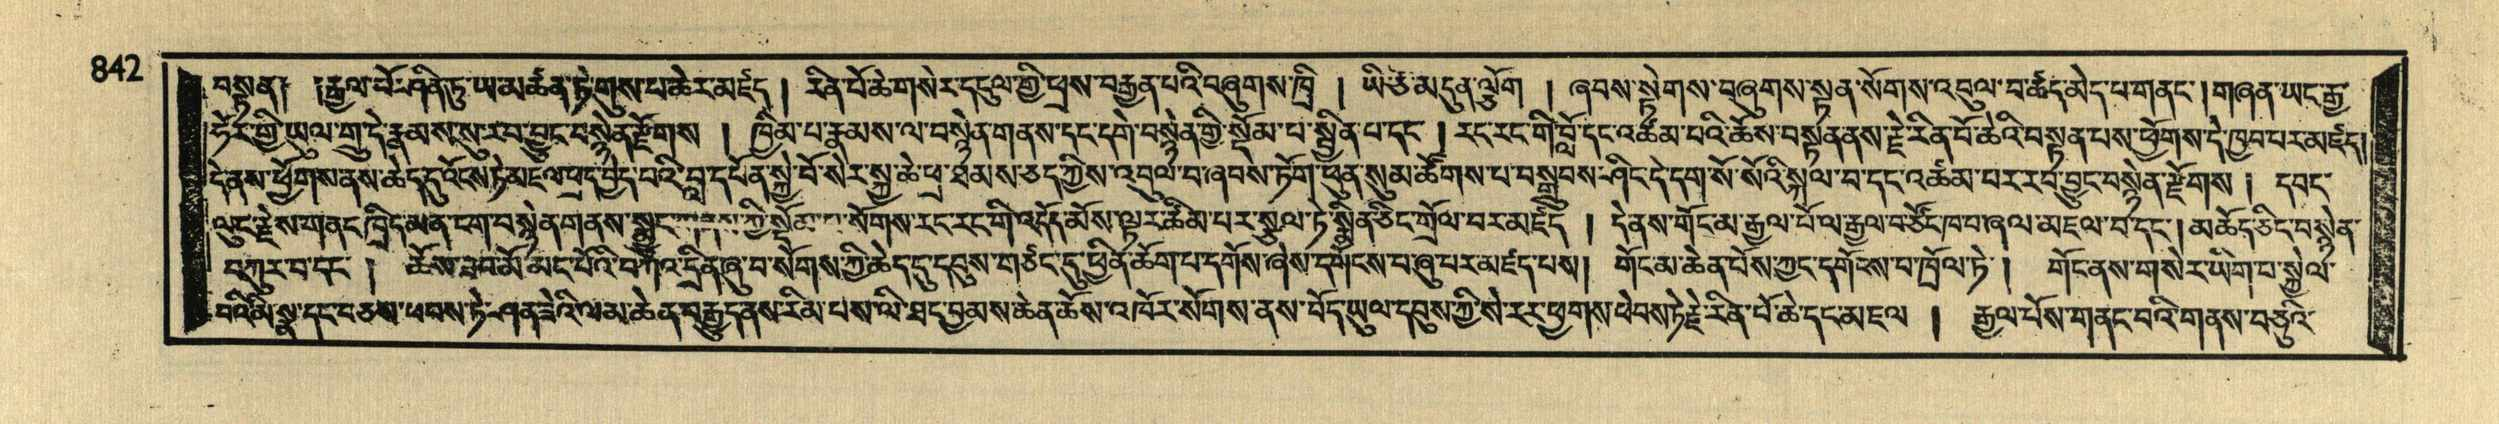བསྟན༑ ༑རྒྱལ་པོ་ཤིན་ཏུ་ཡ་མཚན་ཏེ་གུས་པ་ཆེར་མཛད། རིན་པོ་ཆེ་གསེར་དངུལ་གྱི་ཕྲས་བརྒྱན་པའི་བཞུགས་ཁྲི། ཡི་རྩི་མདུན་ལྕོག །ཞབས་སྟེགས་བཞུགས་སྟན་སོགས་འབུལ་བ་ཚད་མེད་པ་གནང་། གཞན་ཡང་རྒྱ་
ཧོར་གྱི་ཡུལ་གྲུ་དེ་རྣམས་སུ་རབ་བྱུང་བསྙེན་རྫོགས། ཁྱིམ་པ་རྣམས་ལ་བསྙེན་གནས་དང་དགེ་བསྙེན་གྱི་སྡོམ་པ་སྦྱིན་པ་དང་། རང་རང་གི་བློ་དང་འཚམ་པའི་ཆོས་བསྟན་ནས་རྗེ་རིན་པོ་ཆེའི་བསྟན་པས་ཕྱོགས་དེ་ཁྱབ་པར་མཛད།
དེ་ནས་ཕྱོགས་ནས་ཆེད་དུ་འོངས་ཏེ་མཇལ་ཕྲད་བྱེད་པའི་བླ་དཔོན་སྐྱེ་བོ་སེར་སྐྱ་ཆེ་ཕྲ་ཐམས་ཅད་ཀྱིས་འབུལ་བ་ཞབས་ཏོག་ཕུན་སུམ་ཚོགས་པ་བསྒྲུབས་ཤིང་དེ་དག་སོ་སོའི་སྐལ་བ་དང་འཚམ་པར་རབ་བྱུང་བསྙེན་རྫོགས། དབང་
ལུང་རྗེས་གནང་ཁྲིད་མན་ངག་བསྙེན་གནས་སྨྱུང་གནས་ཀྱི་སྡོམ་པ་སོགས་རང་རང་གི་འདོད་མོས་ལྟར་ཚིམ་པར་སྩལ་ཏེ་སྨིན་ཅིང་གྲོལ་བར་མཛད། དེ་ནས་གོང་མ་རྒྱལ་པོ་ལ་རྒྱལ་བ་ཙོང་ཁ་པ་ཞལ་མཇལ་བ་དང་། མཆོད་ཅིང་བསྙེན་
བཀུར་བ་དང་། ཆོས་ཟབ་མོ་མང་པོའི་བཀའ་དྲིན་ཞུ་བ་སོགས་ཀྱི་ཆེད་དུ་དབུས་གཙང་དུ་ཕྱིན་ཆོག་པ་དགོས་ཞེས་དགོངས་པ་ཞུ་བར་མཛད་པས། གོང་མ་ཆེན་པོས་ཀྱང་དགོངས་པ་ཁྲོལ་ཏེ། གོང་ནས་གསེར་ཡིག་པ་སྐྱེལ་
བའི་མི་སྣ་དང་བཅས་ཕབས་ཏེ་ཤན་ཟེའི་ལམ་ཆེན་བརྒྱུད་ནས་རིམ་པས་ལི་ཐང་བྱམས་ཆེན་ཆོས་འཁོར་སོགས་ནས་བོད་ཡུལ་དབུས་ཀྱི་སེ་རར་ཕྱགས་ཕེབས་ཏེ་རྗེ་རིན་པོ་ཆེ་དང་མཇལ། རྒྱལ་པོས་གནང་བའི་གནས་བཅུའི་